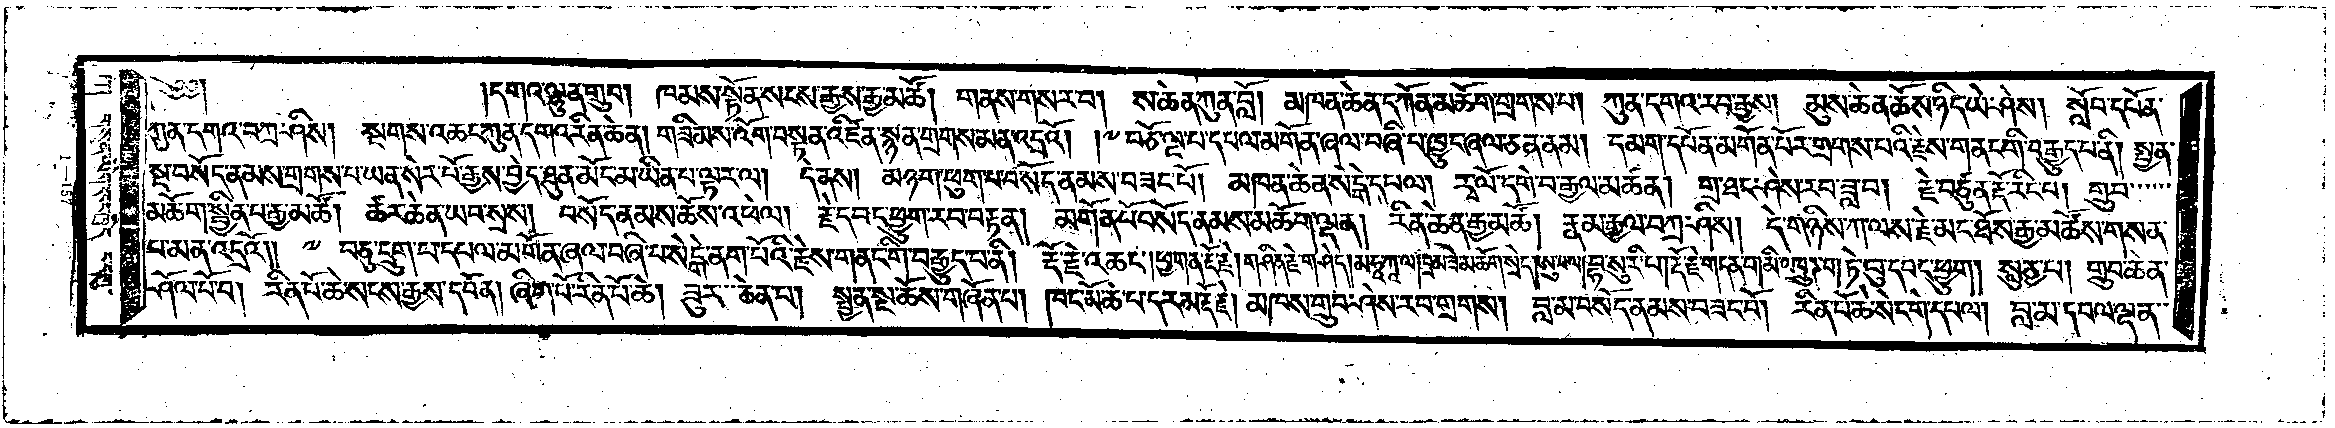༄༅། །དགའ་ལྷུན་གྲུབ། ཁམས་སྟོན་སངས་རྒྱས་རྒྱ་མཚོ། གནས་གསར་བ། ས་ཆེན་ཀུན་བློ། མཁན་ཆེན་དཀོན་མཆོག་གྲགས་པ། ཀུན་དགའ་རབ་རྒྱས། མུས་ཆེན་ཆོས་ཉིད་ཡེ་ཤེས། སློབ་དཔོན་
ཀུན་དགའ་བཀྲ་ཤིས། སྔགས་འཆང་ཀུན་དགའ་རིན་ཆེན། གཟིམས་འོག་བསྟན་འཛིན་སྙན་གྲགས་མན་འདྲའོ། །༧བཅོ་ལྔ་པ་དཔལ་མགོན་ཞལ་བཞི་པ་ཁྱུང་ཞལ་ཅན་ནམ། དམག་དཔོན་མགོན་པོར་གྲགས་པའི་རྗེས་གནང་གི་བརྒྱུད་པ་ནི། སྤྱན་
སྔ་བསོད་ནམས་གྲགས་པ་ཡན་སེར་པོ་རྒྱས་བྱེད་ཐུན་མོང་མ་ཡིན་པ་ལྟར་ལ། དེ་ནས། མཉག་ཕུག་པ་བསོད་ནམས་བཟང་པོ། མཁན་ཆེན་སེངྒེ་དཔལ། རྭ་ལོ་དགེ་བ་རྒྱལ་མཚན། གྲ་ཐང་ཤེས་རབ་ཟླ་བ། རྗེ་བཙུན་རྡོ་རིང་པ། གྲུབ་
མཆོག་སྦྱིན་པ་རྒྱ་མཚོ། ཚར་ཆེན་ཡབ་སྲས། བསོད་ནམས་ཆོས་འཕེལ། རྗེ་དབང་ཕྱུག་རབ་བརྟན། མགོན་པོ་བསོད་ནམས་མཆོག་ལྡན། རིན་ཆེན་རྒྱ་མཚོ། རྣམ་རྒྱལ་བཀྲ་ཤིས། དེ་གཉིས་ཀ་ལས་རྗེ་མང་ཐོས་རྒྱ་མཚོས་གསན་
པ་མན་འདྲའོ།། ༧བཅུ་དྲུག་པ་དཔལ་མགོན་ཞལ་བཞི་པ་སེངྒེ་ནག་པོའི་རྗེས་གནང་གི་བརྒྱུད་པ་ནི། རྡོ་རྗེ་འཆང་། ཕྱག་ན་རྡོ་རྗེ། གཤིན་རྗེ་གཤེད། མཧཱ་ཀཱ་ལ། བྲམ་ཟེ་མཆོག་སྲེད། ཨུ་བལ། བྷ་སུ་རི་པ། རྡོ་རྗེ་གདན་པ། མི་འཁྲུཌ་གཏེ་བུ་དབང་ཕྱུག །སཱུ་ནྱ་པ། གྲུབ་ཆེན་
ཤོལ་པོ་པ། རིན་པོ་ཆེ་སངས་རྒྱས་དཔོན། ཞིག་པོ་རིན་པོ་ཆེ། ཟུར་ཆེན་པ། སྤྱན་སྔ་ཆོས་གཞོན་པ། ཁང་མོ་ཆེ་བ་དར་མ་རྡོ་རྗེ། མཁས་གྲུབ་ཤེས་རབ་གྲགས། བླ་མ་བསོད་ནམས་བཟང་པོ། རིན་པོ་ཆེ་སེང་གེ་དཔལ། བླ་མ་དཔལ་ལྡན་